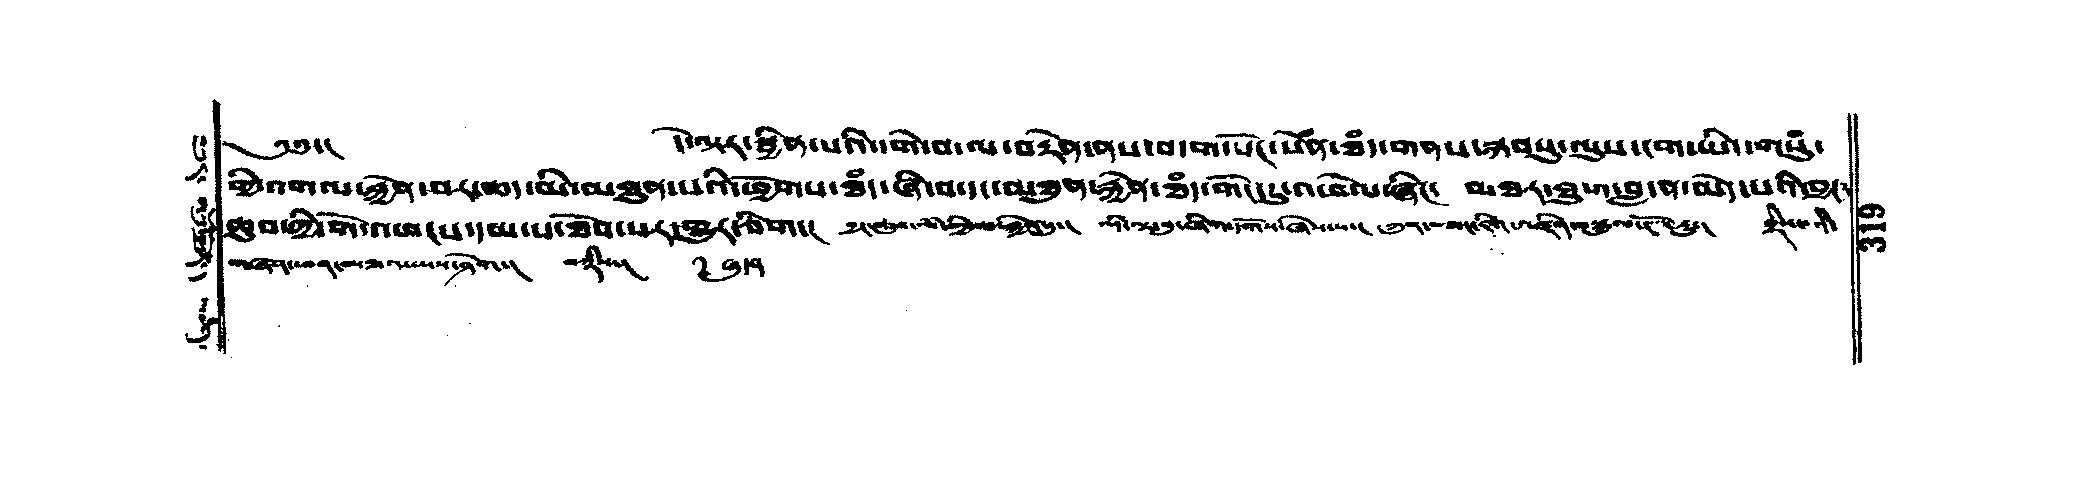དེ་ལྟར་སྦྱིན་པའི་དགེ་བ་ལ་བརྟེན་ནས་བདག་སོགས་སེམས་ཅན་ཐམས་ཅད་གནས་སྐབས་སུ་ལུས་ངག་ཡིད་གསུམ་
གྱི་འགལ་རྐྱེན་བར་ཆད་མི་མཐུན་པའི་ཕྱོགས་ཐམས་ཅད་ཞི་བ་དང་མཐུན་རྐྱེན་ཐམས་ཅད་གོང་དུ་འཕེལ་ཞིང་། མཐར་ཐུག་བླ་ན་མེད་པའི་བྱང་
ཆུབ་ཀྱི་གོ་འཕང་ཐོབ་པར་གྱུར་ཅིག་བྱང་ཆུབ་ལམ་གྱི་ཆ་རྐྱེན་དུ། འདི་ལྟ་བུ་ཞིག་དགོས་ཞེས་པ་ཀུན་བཟང་རིག་འཛིན་བསྐུལ་ངོ་རུ་བྲིས་པའི་
གཞན་ཕན་མཐའ་ཡས་ཤོག་ བཀྲ་ཤིས།